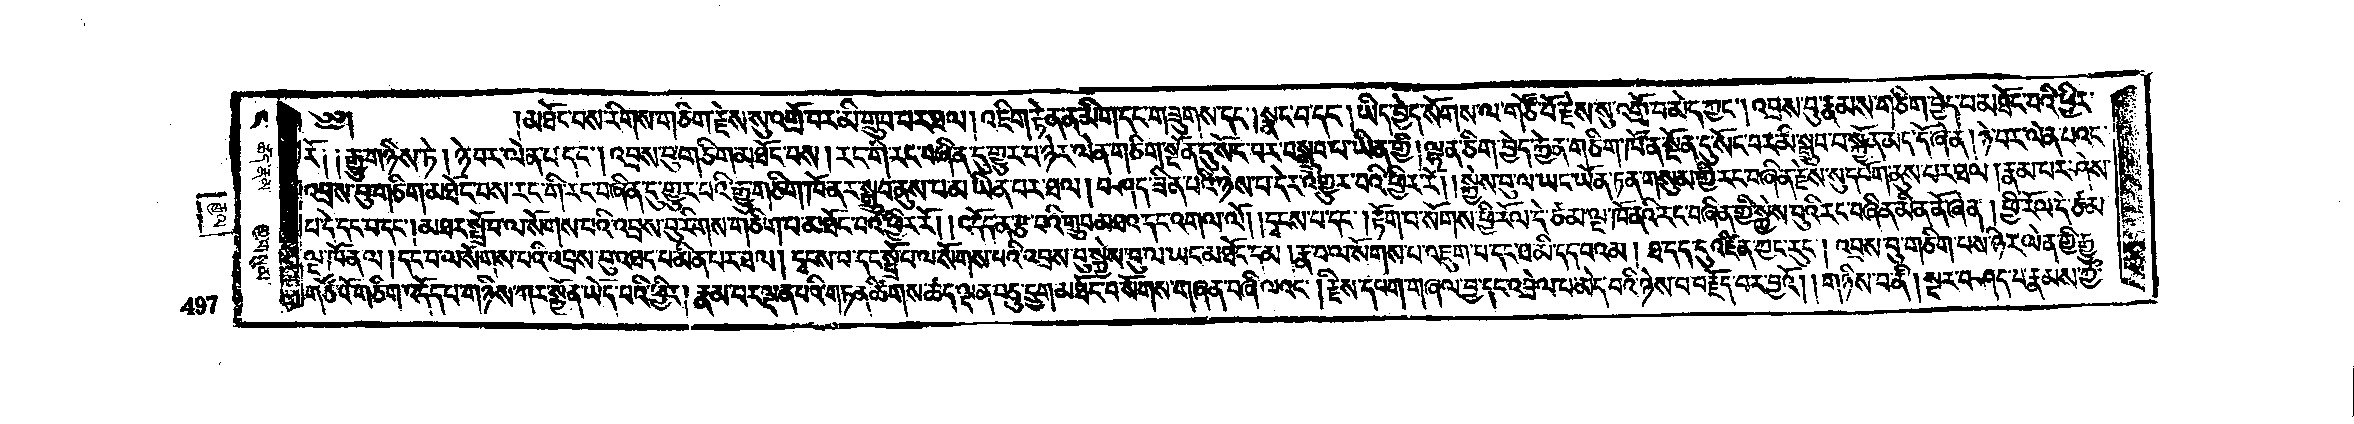༄༅། །མཐོང་བས་རིགས་གཅིག་རྗེས་སུ་འགྲོ་བར་མི་གྲུབ་པར་ཐལ། །འཇིག་རྟེན་ན་མིག་དང་གཟུགས་དང་། སྣང་བ་དང་། ཡིད་བྱེད་སོགས་ལ་གཙོ་བོ་རྗེས་སུ་འགྲོ་བ་མེད་ཀྱང་། འབྲས་བུ་རྣམས་གཅིག་བྱེད་པ་མཐོང་བའི་ཕྱིར་
རོ༑ ༑རྒྱུ་གཉིས་ཏེ། ཉེན་བར་ལེན་པ་དང་། འབྲས་བུ་གཅིག་མཐོང་བས། རང་གི་རང་བཞིན་དུ་གྱུར་པ་ཉེར་ལེན་གཅིག་སྔོན་དུ་སོང་བར་བསྒྲུབ་པ་ཡིན་གྱི་།ལྷན་ཅིག་བྱེད་རྐྱེན་གཅིག་ཁོ་ན་སྔོན་དུ་སོང་བར་མི་སྒྲུབ་པ་སྐྱོན་མེད་དོ་ཞེ་ན། ཉེ་བར་ལེན་པའང་
འབྲས་བུ་གཅིག་མཐོང་བས་རང་གི་རང་བཞིན་དུ་གྱུར་པའི་རྒྱུ་གཅིག་ཁོ་ནར་སྒྲུབ་ནུས་པ་མ་ཡིན་པར་ཐལ། བཤད་ཟིན་པའི་ཉེས་པ་དེར་འགྱུར་བའི་ཕྱིར་རོ། །སྐྱེས་བུ་ལ་ཡང་ཡོན་ཏན་གསུམ་གྱི་རང་བཞིན་རྗེས་སུ་དཔོག་ནུས་པར་ཐལ། རྣམ་པར་ཤེས་
པ་དེ་དང་བ་དང་། མཐར་སྤྲོ་བ་ལ་སོགས་པའི་འབྲས་བུ་རིགས་གཅིག་པ་མཐོང་བའི་ཕྱིར་རོ། །འདོད་ན་རྩ་བའི་གྲུབ་མཐའ་དང་འགལ་ལོ། །དྭངས་པ་དང་། རྟོགས་པ་སོགས་ཕྱི་རོལ་དེ་ཙམ་ལྔ་ཁོ་ནའི་རང་བཞིན་གྱི་སྐྱེས་བུའི་རང་བཞིན་མིན་ནོ་ཞེ་ན། ཕྱི་རོལ་དེ་ཙམ་
ལྔ་ཁོ་ན་ལ། དང་བ་ལ་སོགས་པའི་འབྲས་བུ་འཐད་པ་མིན་པར་ཐལ། དྭངས་བ་དང་སྤྲོ་བ་ལ་སོགས་པའི་འབྲས་བུ་སྐྱེས་བུ་ལ་ཡང་མཐོང་དམ། རྣ་བ་ལ་སོགས་པ་འཇུག་པ་དང་ཐ་མི་དད་པའམ། ཐ་དད་དུ་འཛིན་ཀྱང་རུང་། འབྲས་བུ་གཅིག་པས་ཉེར་ལེན་གྱི་རྒྱུ་
གཙོ་བོ་གཅིག་འདོད་པ་གཉིས་ཀར་སྐྱོན་ཡོད་པའི་ཕྱིར། རྣམ་པར་ལྡན་པའི་གཏན་ཚིགས་ཚད་ལྡན་བཅུ་དྲུག་མཐོང་བ་སོགས་གཞན་བཞི་ལའང་། རྗེས་དཔག་གཞལ་བྱ་དང་འབྲེལ་པ་མེད་པའི་ཉེས་པ་བརྗོད་པར་བྱའོ། །གཉིས་པ་ནི། སྔར་བཤད་པ་རྣམས་ཀྱི་